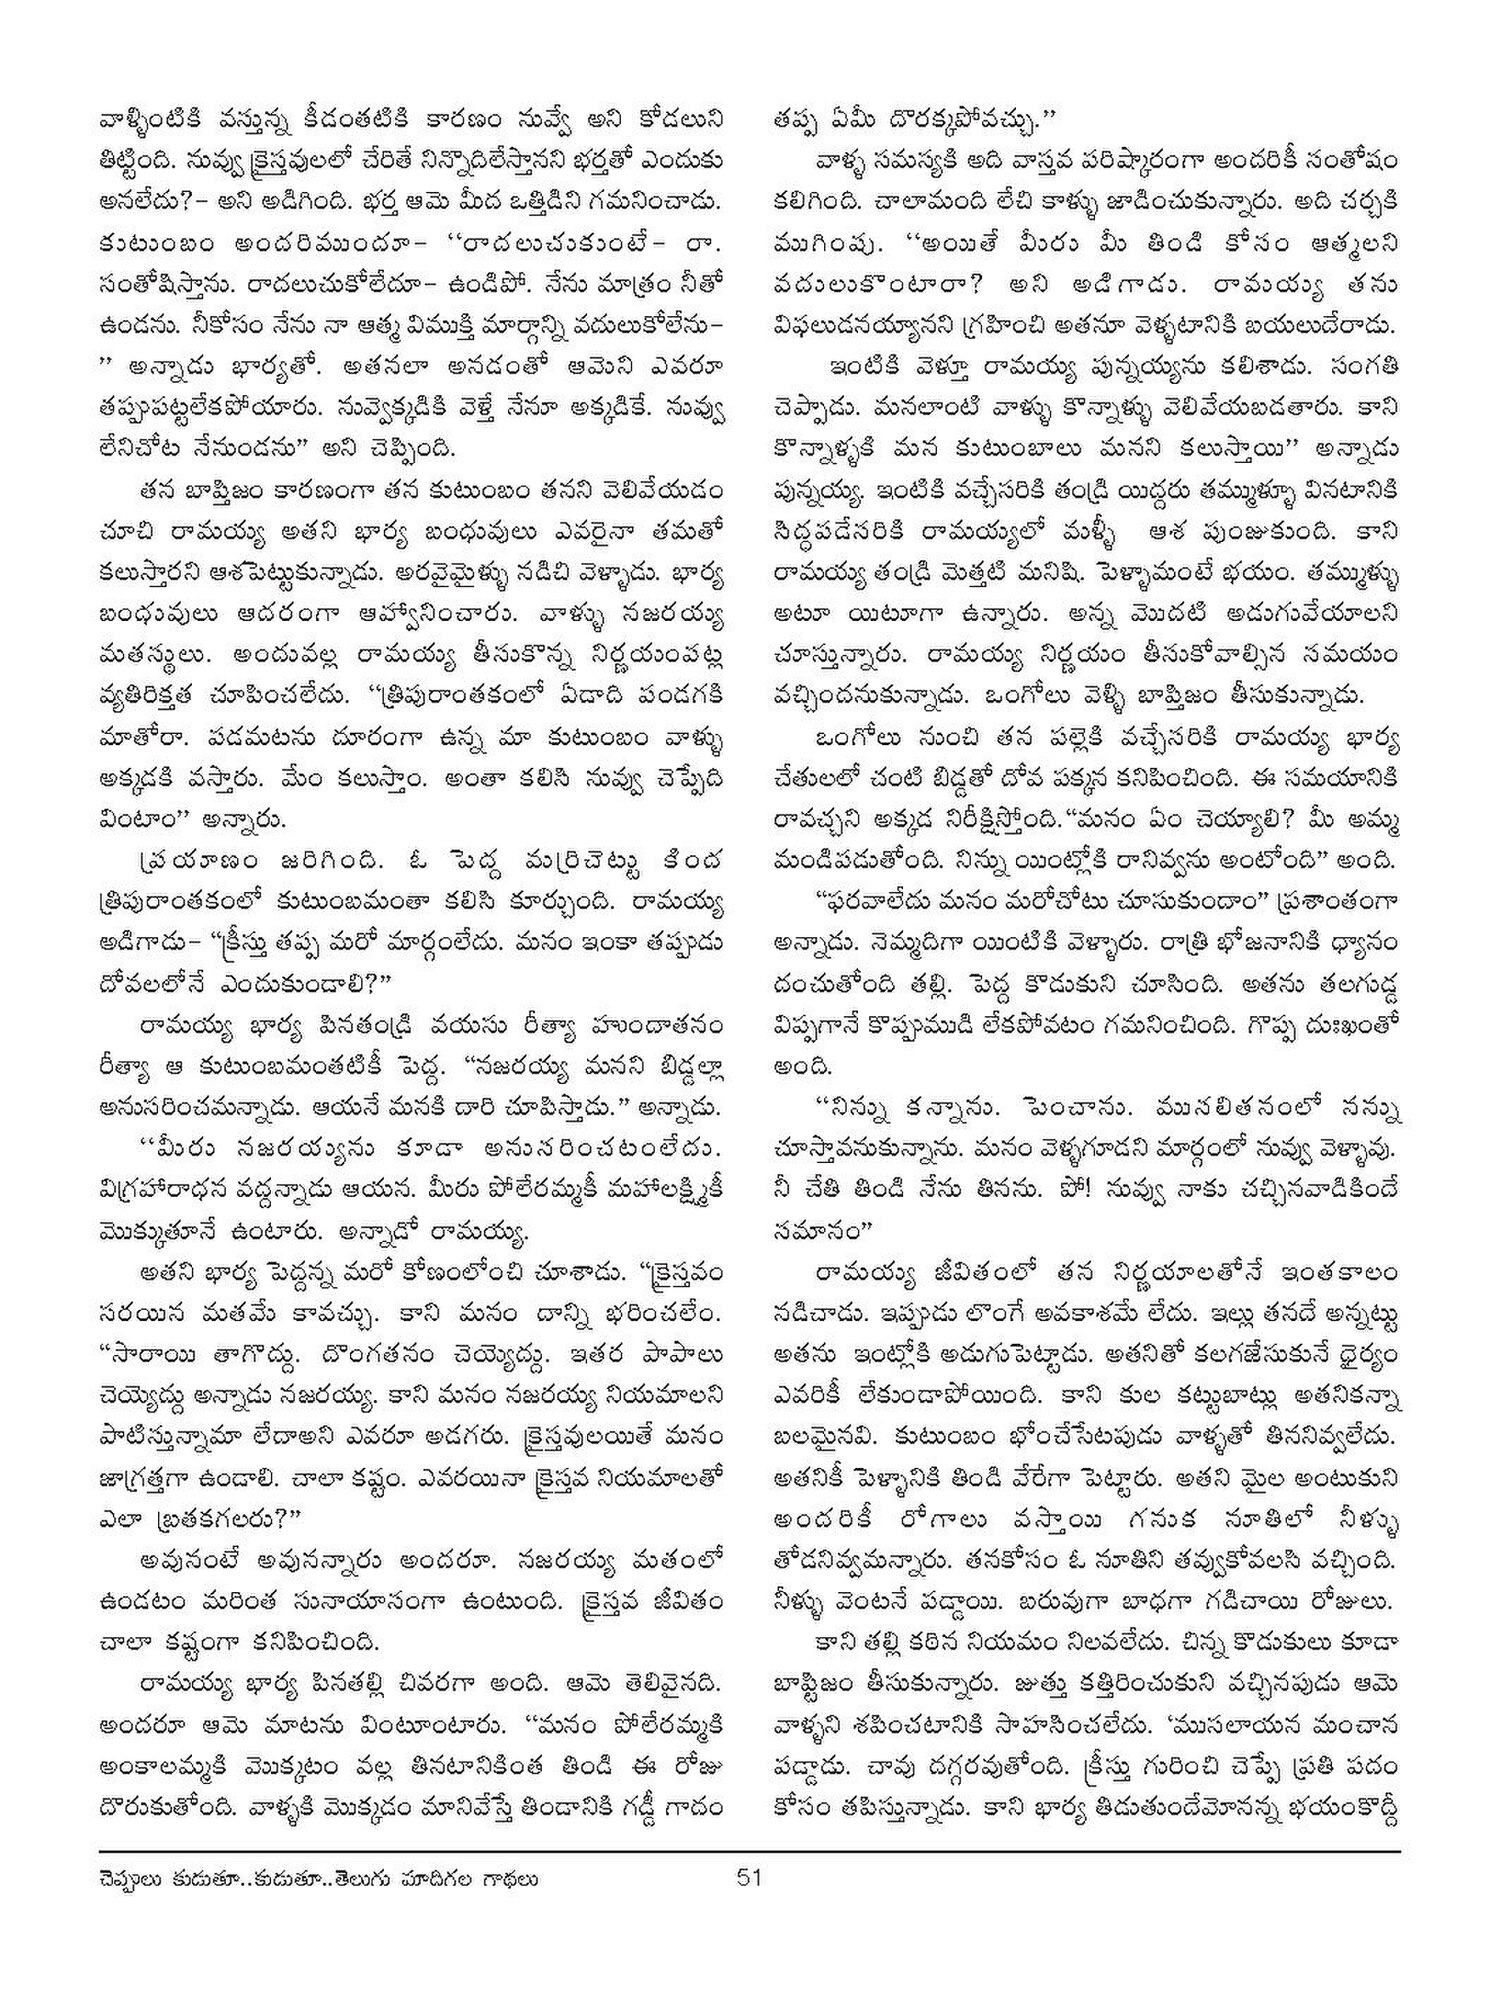వాళ్ళింటికి వస్తున్న కీడంతటికి కారణం నువ్వే అని కోడలుని తిట్టింది. నువ్వు క్రైస్తవులలో చేరితే నిన్నొదిలేస్తానని భర్తతో ఎందుకు అనలేదు?- అని అడిగింది. భర్త ఆమె మీద ఒత్తిడిని గమనించాడు.
కుటుంబం అందరిముందూ- "రాదలుచుకుంటే- రా. సంతోషిస్తాను. రాదలుచుకోలేదూ- ఉండిపో. నేను మాత్రం నీతో ఉండను. నీకోసం నేను నా ఆత్మ విముక్తి మార్గాన్ని వదులుకోలేను-" అన్నాడు భార్యతో. అతనలా అనడంతో ఆమెని ఎవరూ తప్పుపట్టలేకపోయారు. నువ్వెక్కడికి వెళ్తే నేనూ అక్కడికే. నువ్వు
లేనిచోట నేనుండను" అని చెప్పింది.

తన బాప్తిజం కారణంగా తన కుటుంబం తనని వెలివేయడం చూచి రామయ్య అతని భార్య బంధువులు ఎవరైనా తమతో కలుస్తారని ఆశపెట్టుకున్నాడు. అరవైమైళ్ళు నడిచి వెళ్ళాడు. భార్య బంధువులు ఆదరంగా ఆహ్వానించారు. వాళ్ళు నజరయ్య మతస్థులు. అందువల్ల రామయ్య తీసుకొన్న నిర్ణయంపట్ల
వ్యతిరిక్తత చూపించలేదు. "త్రిపురాంతకంలో ఏడాది పండగకి మాతోరా. పడమటను దూరంగా ఉన్న మా కుటుంబం వాళ్ళు అక్కడకి వస్తారు. మేం కలుస్తాం. అంతా కలిసి నువ్వు చెప్పేది వింటాం" అన్నారు.

ప్రయాణం జరిగింది. ఓ పెద్ద మర్రిచెట్టు కింద త్రిపురాంతకంలో కుటుంబమంతా కలిసి కూర్చుంది. రామయ్య అడిగాడు- "క్రీస్తు తప్ప మరో మార్గంలేదు. మనం ఇంకా తప్పుడు దోవలలోనే ఎందుకుండాలి?”

రామయ్య భార్య పినతండ్రి వయసు రీత్యా హుందాతనం రీత్యా ఆ కుటుంబమంతటికీ పెద్ద. "నజరయ్య మనని బిడ్డల్లా అనుసరించమన్నాడు. ఆయనే మనకి దారి చూపిస్తాడు." అన్నాడు.

"మీరు నజరయ్యను కూడా అనుసరించటంలేదు. విగ్రహారాధన వద్దన్నాడు ఆయన. మీరు పోలేరమ్మకీ మహాలక్ష్మికీ మొక్కుతూనే ఉంటారు. అన్నాడో రామయ్య.

అతని భార్య పెద్దన్న మరో కోణంలోంచి చూశాడు. "క్రైస్తవం సరయిన మతమే కావచ్చు. కాని మనం దాన్ని భరించలేం. “సారాయి తాగొద్దు. దొంగతనం చెయ్యెద్దు. ఇతర పాపాలు చెయ్యద్దు అన్నాడు నజరయ్య. కాని మనం నజరయ్య నియమాలని పాటిస్తున్నామా లేదాఅని ఎవరూ అడగరు. క్రైస్తవులయితే మనం
జాగ్రత్తగా ఉండాలి. చాలా కష్టం. ఎవరయినా క్రైస్తవ నియమాలతో ఎలా బ్రతకగలరు?"

అవునంటే అవునన్నారు అందరూ. నజరయ్య మతంలో ఉండటం మరింత సునాయాసంగా ఉంటుంది. క్రైస్తవ జీవితం చాలా కష్టంగా కనిపించింది.

రామయ్య భార్య పినతల్లి చివరగా అంది. ఆమె తెలివైనది. అందరూ ఆమె మాటను వింటూంటారు. “మనం పోలేరమ్మకి అంకాలమ్మకి మొక్కటం వల్ల తినటానికింత తిండి ఈ రోజు దొరుకుతోంది. వాళ్ళకి మొక్కడం మానివేస్తే తిండానికి గడ్డీ గాదం తప్ప ఏమీ దొరక్కపోవచ్చు.”

వాళ్ళ సమస్యకి అది వాస్తవ పరిష్కారంగా అందరికీ సంతోషం కలిగింది. చాలామంది లేచి కాళ్ళు జాడించుకున్నారు. అది చర్చకి ముగింపు. "అయితే మీరు మీ తిండి కోసం ఆత్మలని వదులుకొంటారా? అని అడిగాడు. రామయ్య తను విఫలుడనయ్యానని గ్రహించి అతనూ వెళ్ళటానికి బయలుదేరాడు.

ఇంటికి వెళ్తూ రామయ్య పున్నయ్యను కలిశాడు. సంగతి చెప్పాడు. మనలాంటి వాళ్ళు కొన్నాళ్ళు వెలివేయబడతారు. కాని కొన్నాళ్ళకి మన కుటుంబాలు మనని కలుస్తాయి” అన్నాడు. పున్నయ్య ఇంటికి వచ్చేసరికి తండ్రి యిద్దరు తమ్ముళ్ళూ వినటానికి సిద్దపడేసరికి రామయ్యలో మళ్ళీ ఆశ పుంజుకుంది. కాని
రామయ్యతండ్రి మెత్తటి మనిషి. పెళ్ళామంటే భయం. తమ్ముళ్ళు అటూ యిటూగా ఉన్నారు. అన్న మొదటి అడుగువేయాలని చూస్తున్నారు. రామయ్య నిర్ణయం తీసుకోవాల్సిన సమయం వచ్చిందనుకున్నాడు. ఒంగోలు వెళ్ళి బాప్తిజం తీసుకున్నాడు.

ఒంగోలు నుంచి తన పల్లెకి వచ్చేసరికి రామయ్య భార్య చేతులలో చంటి బిడ్డతో దోవ పక్కన కనిపించింది. ఈ సమయానికి రావచ్చని అక్కడ నిరీక్షిస్తోంది. "మనం ఏం చెయ్యాలి? మీ అమ్మ మండిపడుతోంది. నిన్ను యింట్లోకి రానివ్వను అంటోంది" అంది.

"ఫరవాలేదు మనం మరోచోటు చూసుకుందాం" ప్రశాంతంగా అన్నాడు. నెమ్మదిగా యింటికి వెళ్ళారు. రాత్రి భోజనానికి ధ్యానం దంచుతోంది తల్లి. పెద్ద కొడుకుని చూసింది. అతను తలగుడ్డ విప్పగానే కొప్పుముడి లేకపోవటం గమనించింది. గొప్ప దుఃఖంతో అంది.

"నిన్ను కన్నాను. పెంచాను. ముసలితనంలో నన్ను చూస్తావనుకున్నాను. మనం వెళ్ళగూడని మార్గంలో నువ్వు వెళ్ళావు. నీ చేతి తిండి నేను తినను. పో! నువ్వు నాకు చచ్చినవాడికిందే సమానం”

రామయ్య జీవితంలో తన నిర్ణయాలతోనే ఇంతకాలం నడిచాడు. ఇప్పుడు లొంగే అవకాశమే లేదు. ఇల్లు తనదే అన్నట్టు అతను ఇంట్లోకి అడుగుపెట్టాడు. అతనితో కలగజేసుకునే ధైర్యం ఎవరికీ లేకుండాపోయింది. కాని కుల కట్టుబాట్లు అతనికన్నా బలమైనవి. కుటుంబం భోంచేసేటపుడు వాళ్ళతో తిననివ్వలేదు. అతనికీ పెళ్ళానికి తిండి వేరేగా పెట్టారు. అతని మైల అంటుకుని అందరికీ రోగాలు వస్తాయి గనుక నూతిలో నీళ్ళు తోడనివ్వమన్నారు. తనకోసం ఓ నూతిని తవ్వుకోవలసి వచ్చింది. నీళ్ళు వెంటనే పడ్డాయి. బరువుగా బాధగా గడిచాయి రోజులు.

కాని తల్లి కఠిన నియమం నిలవలేదు. చిన్న కొడుకులు కూడా బాప్టిజం తీసుకున్నారు. జుత్తు కత్తిరించుకుని వచ్చినపుడు ఆమె వాళ్ళని శపించటానికి సాహసించలేదు. 'ముసలాయన మంచాన
పడ్డాడు. చావు దగ్గరవుతోంది. క్రీస్తు గురించి చెప్పే ప్రతి పదంకోసం తపిస్తున్నాడు. కాని భార్య తిడుతుందేమోనన్న భయంకొద్దీ